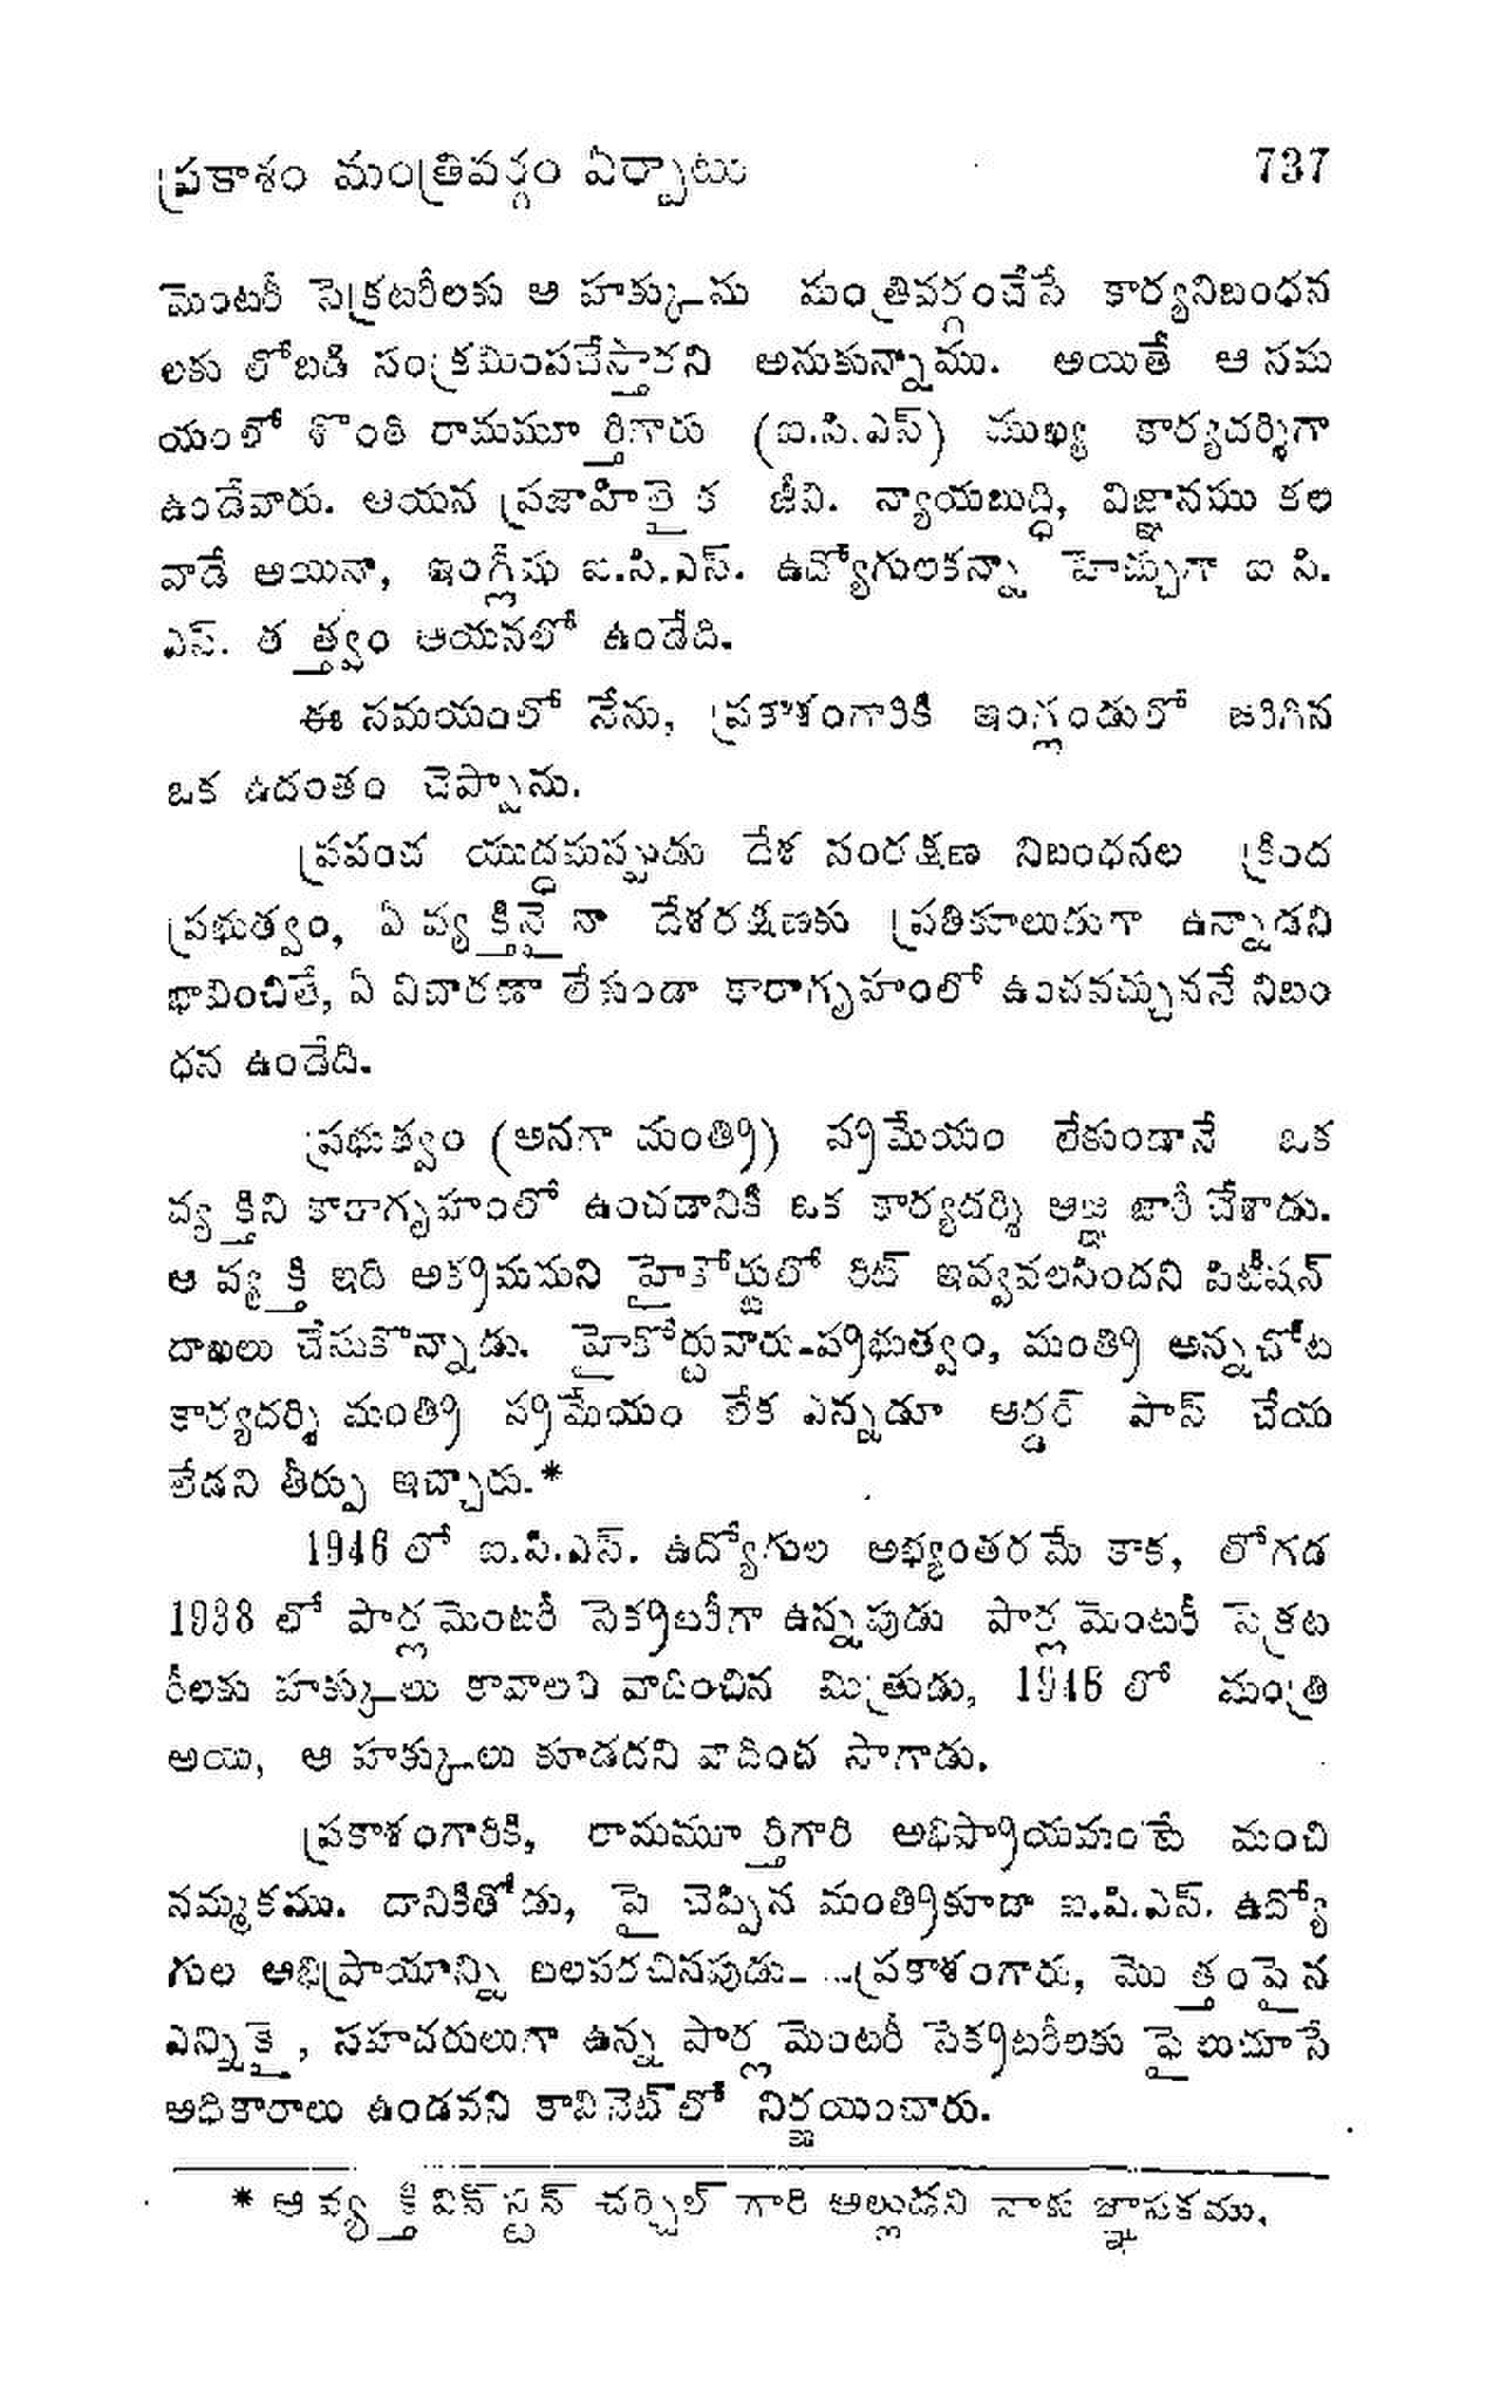మెంటరీ సెక్రటరీలకు ఆ హక్కును మంత్రివర్గంచేసే కార్యనిబంధనలకు లోబడి సంక్రమింపచేస్తారని అనుకున్నాము. అయితే ఆ సమయంలో శొంఠి రామమూర్తిగారు (ఐ.సి.ఎస్) ముఖ్య కార్యదర్శిగా ఉండేవారు. ఆయన ప్రజాహితైక జీవి, న్యాయబుద్ది, విజ్ఞానము కలవాడే అయినా, ఇంగ్లీషు ఐ.సి.ఎస్. ఉద్యోగులకన్నా హెచ్చుగా ఐ.సి.ఎస్. తత్త్వం ఆయనలో ఉండేది.

ఈ సమయంలో నేను, ప్రకాశంగారికి ఇంగ్లండులో జరిగిన ఒక ఉదంతం చెప్పాను.

ప్రపంచ యుద్ధమప్పుడు దేశ సంరక్షణ నిబంధనల క్రింద ప్రభుత్వం, ఏ వ్యక్తినైనా దేశరక్షణకు ప్రతికూలుడుగా ఉన్నాడని భావించితే, ఏ విచారణా లేకుండా కారాగృహంలో ఉంచవచ్చుననే నిబంధన ఉండేది.

ప్రభుత్వం (అనగా మంత్రి) ప్రమేయం లేకుండానే ఒక వ్యక్తిని కారాగృహంలో ఉంచడానికి ఒక కార్యదర్శి ఆజ్ఞ జారీ చేశాడు. ఆ వ్యక్తి ఇది అక్రమమని హైకోర్టులో రిట్ ఇవ్వవలసిందని పిటీషన్ దాఖలు చేసుకొన్నాడు. హైకోర్టువారు - ప్రభుత్వం, మంత్రి అన్నచోట కార్యదర్శి మంత్రి ప్రమేయం లేక ఎన్నడూ ఆర్డర్ పాస్ చేయలేడని తీర్పు ఇచ్చారు. 

1946 లో ఐ.సి.ఎస్. ఉద్యోగుల అభ్యంతరమే కాక, లోగడ 1938 లో పార్లమెంటరీ సెక్రటరీగా ఉన్నపుడు పార్లమెంటరీ సెక్రటరీలకు హక్కులు కావాలని వాదించిన మిత్రుడు, 1946 లో మంత్రి అయి, అ హక్కులు కూడదని వాదించ సాగాడు.

ప్రకాశంగారికి, రామమూర్తిగారి అభిప్రాయమంటే మంచి నమ్మకము. దానికితోడు, పై చెప్పిన మంత్రికూడా ఐ.సి.ఎస్. ఉద్యోగుల అభిప్రాయాన్ని బలపరచినపుడు - ప్రకాశంగారు, మొత్తంపైన ఎన్నికై, సహచరులుగా ఉన్న పార్ల మెంటరీ సెక్రటరీలకు ఫైలుచూసే అధికారాలు ఉండవని కాబినెట్‌లో నిర్ణయించారు.